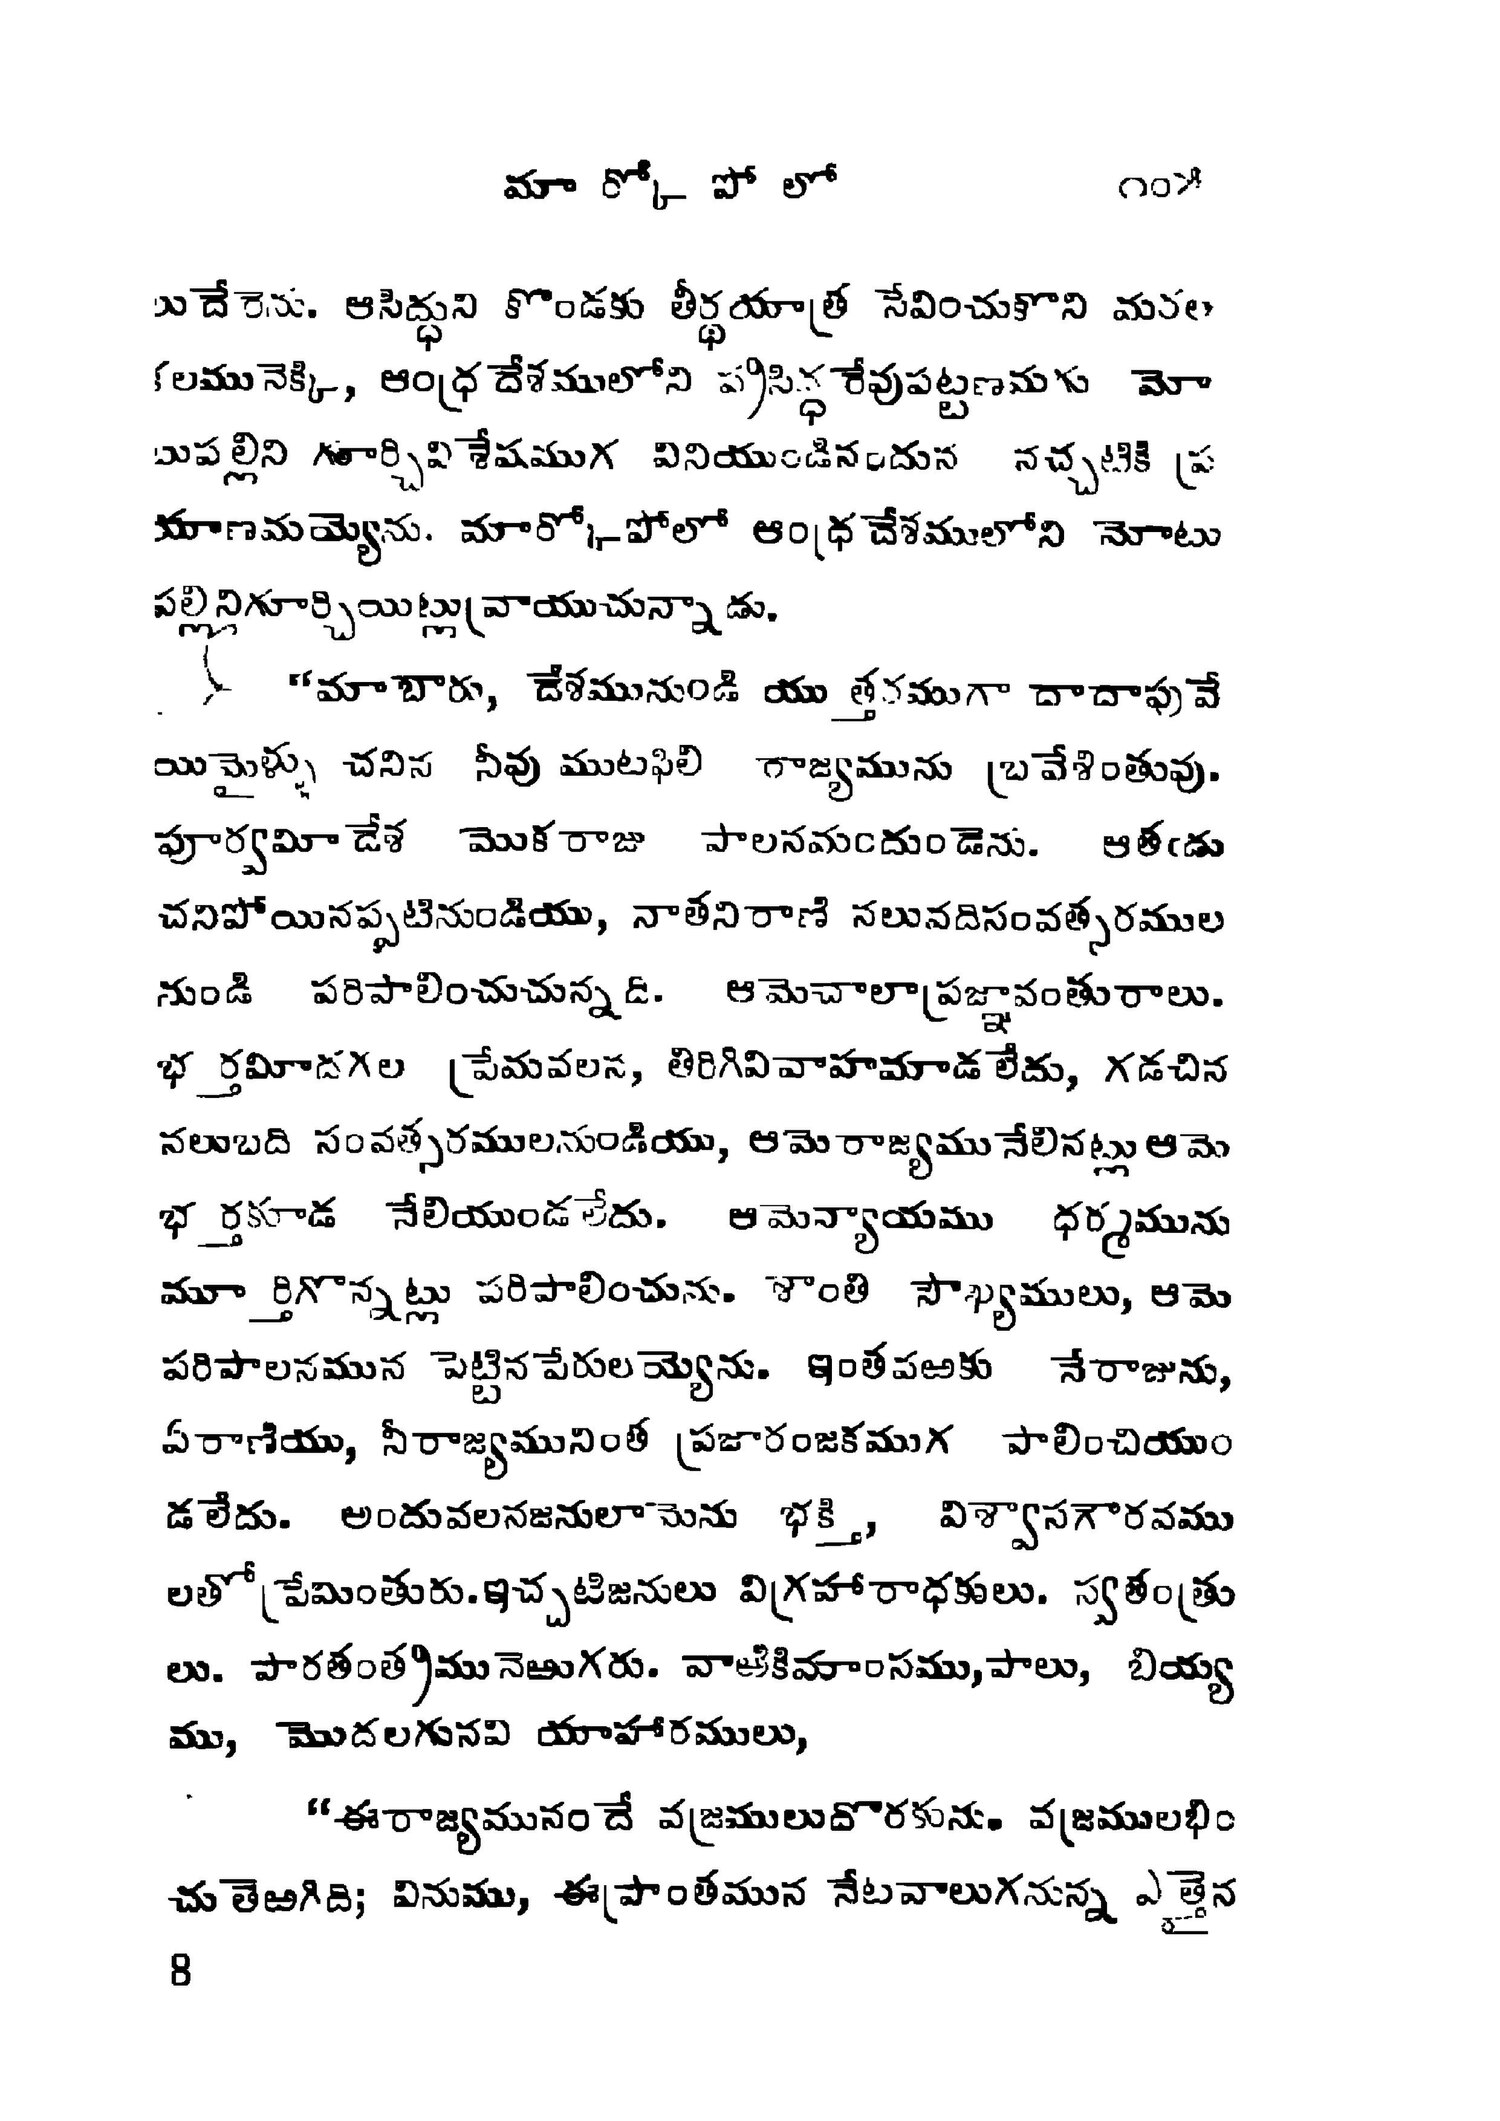లుదేరెను. ఆసిద్ధుని కొండకు తీర్థయాత్ర సేవించుకొని మరల కలమునెక్కి, ఆంధ్రదేశములోని ప్రసిద్ధరేవుపట్టణమగు మోటుపల్లిని గూర్చివిశేషముగ వినియుండినందున నచ్చటికి ప్రయాణమయ్యెను. మార్కోపోలో ఆంధ్రదేశములోని మోటుపల్లినిగూర్చి యిట్లువ్రాయు చున్నాడు.

"మాబారు, దేశమునుండి యుత్తరముగా దాదాపువేయిమైళ్ళు చనిన నీవు ముటఫిలి రాజ్యమును బ్రవేశింతువు. పూర్వమీదేశ మొకరాజు పాలనమందుండెను. ఆతడు చనిపోయినప్పటి నుండియు, నాతనిరాణి నలువది సంవత్సరముల నుండి పరిపాలించు చున్నది. ఆమె చాలాప్రజ్ఞావంతురాలు. భర్తమీదగల ప్రేమవలన, తిరిగి వివాహమాడ లేదు, గడచిన నలుబది సంవత్సరములనుండియు, ఆమెరాజ్యమునేలినట్లు ఆమెభర్తకూడ నేలియుండలేదు. ఆమెన్యాయము ధర్మమును మూర్తిగొన్నట్లు పరిపాలించును. శాంతి సౌఖ్యములు, ఆమె పరిపాలనమున పెట్టినపేరులయ్యెను. ఇంతవఱకు నేరాజును, ఏరాణియు, నీరాజ్యమునింత ప్రజారంజకముగ పాలించియుండలేదు. అందువలన జనులామెను భక్తి, విశ్వాసగౌరవములతో ప్రేమింతురు. ఇచ్చటిజనులు విగ్రహారాధకులు. స్వతంత్రులు. పారతంత్రము నెఱుగరు. వాఱికి మాంసము, పాలు, బియ్యము, మొదలగునవి యాహారములు,

"ఈరాజ్యమునందే వజ్రములుదొరకును. వజ్రములభించుతెఱగిది; వినుము, ఈప్రాంతమున నేటవాలుగనున్న ఎత్తైన